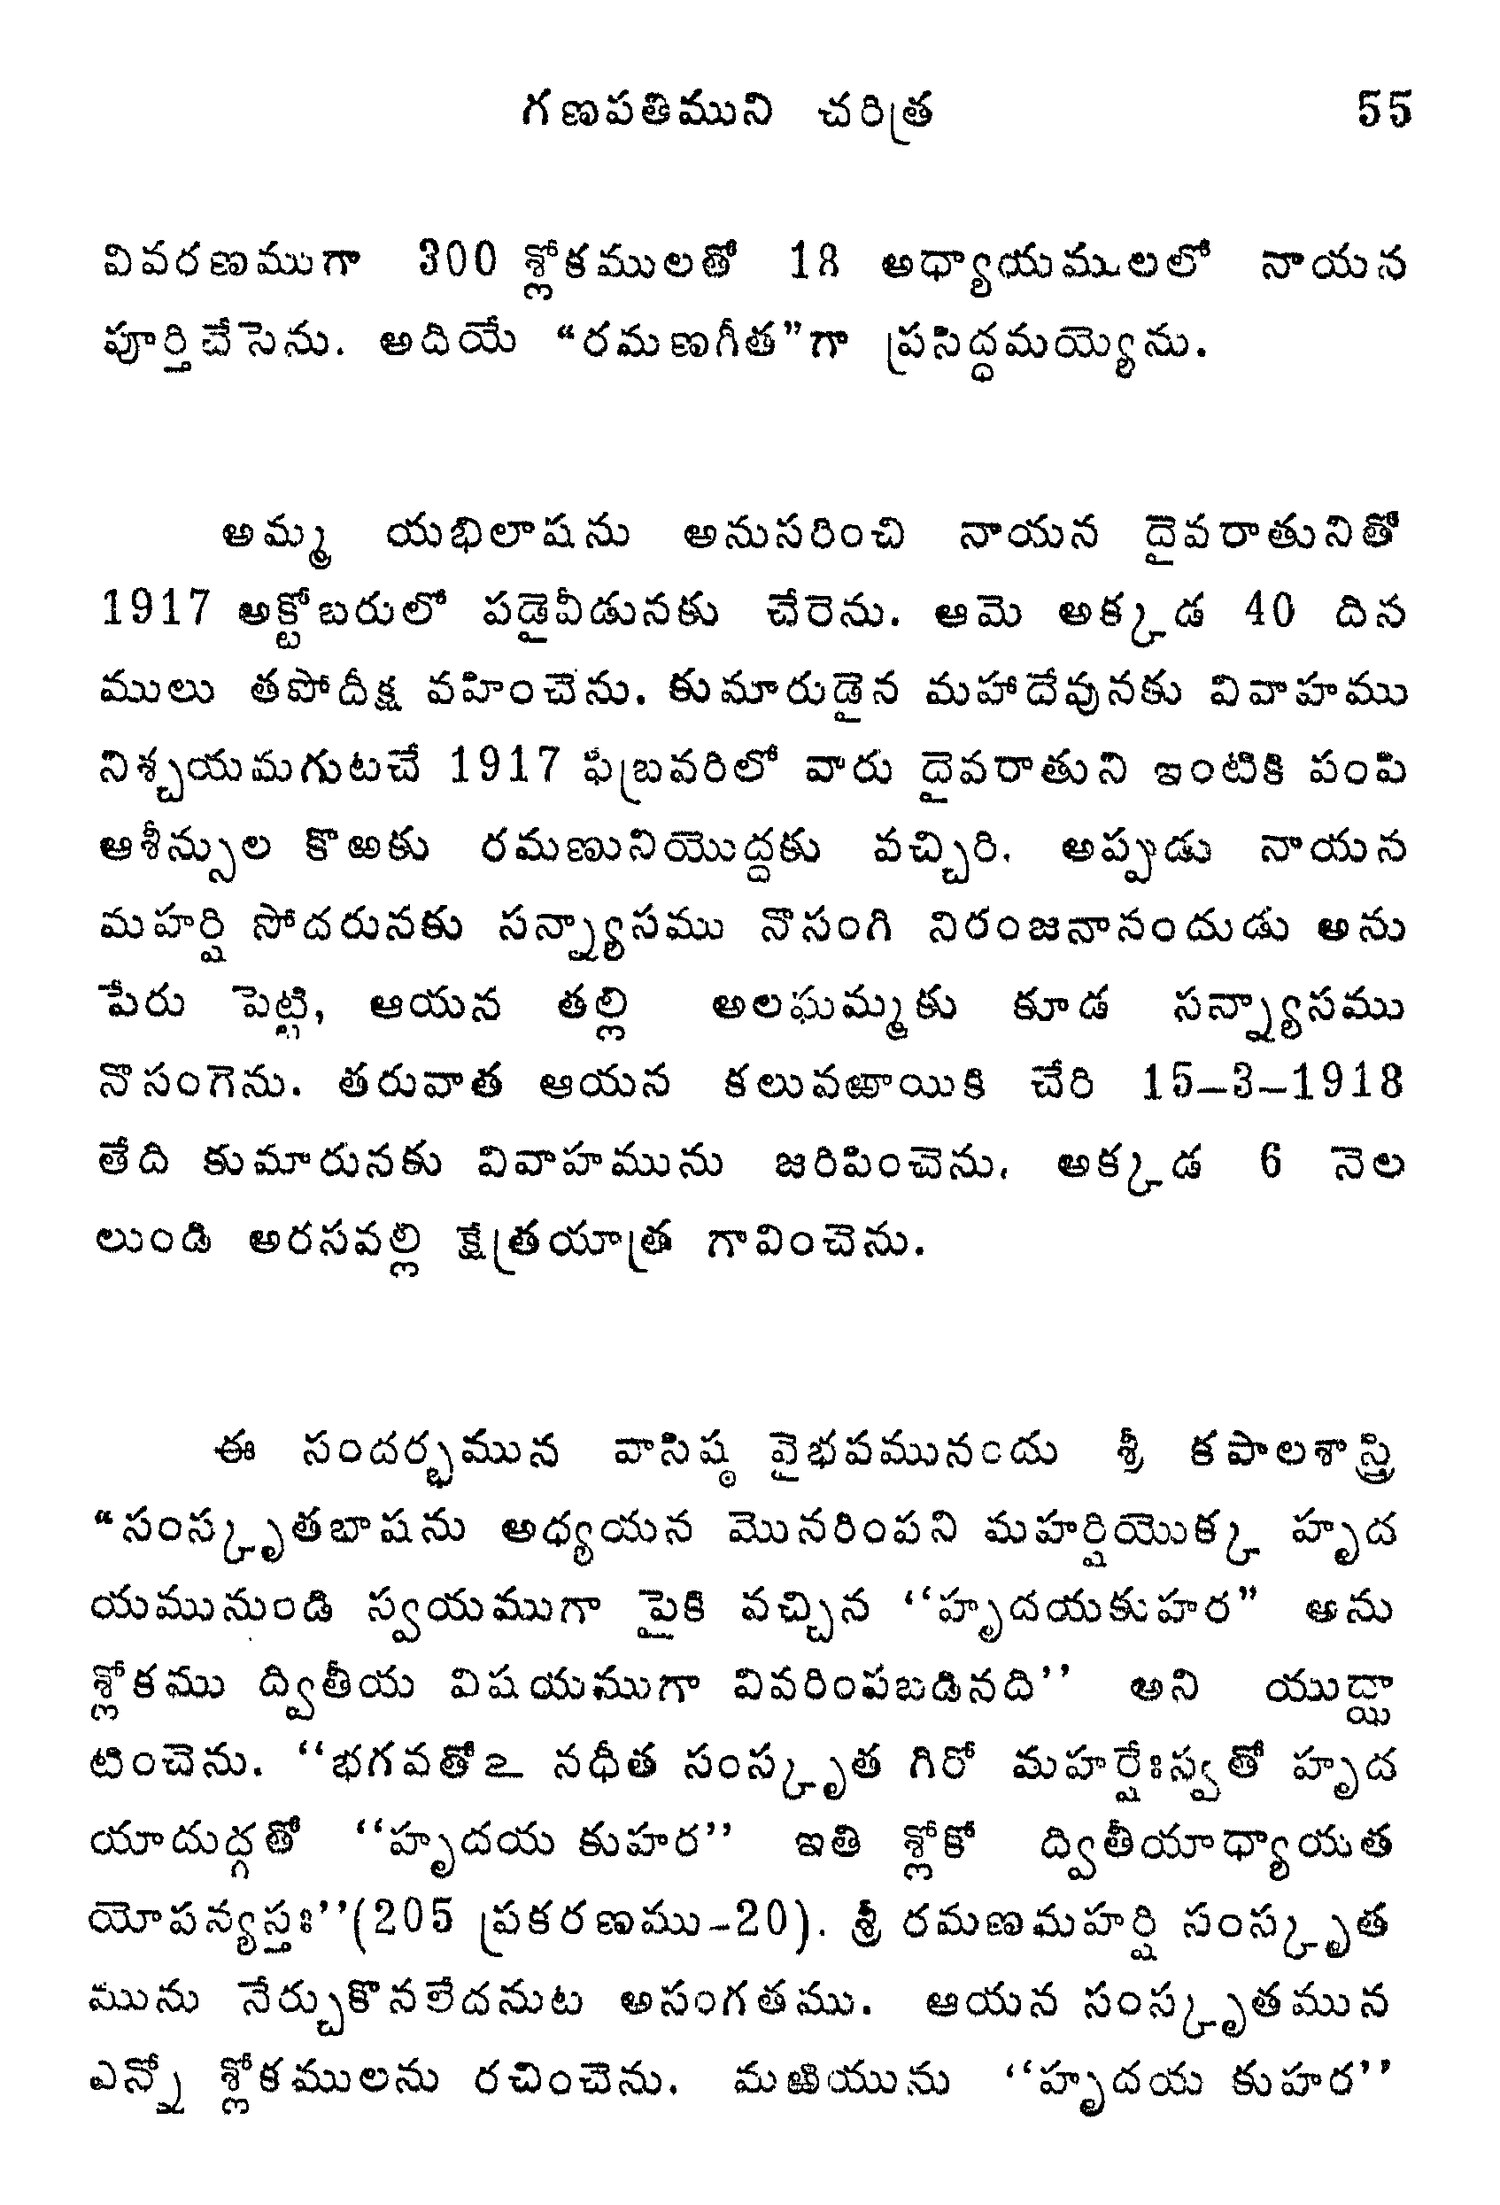వివరణముగా 300 శ్లోకములతో 18 అధ్యాయములలో నాయన పూర్తిచేసెను. అదియే "రమణగీత"గా ప్రసిద్దమయ్యెను.

అమ్మ యభిలాషను అనుసరించి నాయన దైవరాతునితో 1917 అక్టోబరులో పడైవీడునకు చేరెను. ఆమె అక్కడ 40 దినములు తపోదీక్ష వహించెను. కుమారుడైన మహాదేవునకు వివాహము నిశ్చయమగుటచే 1917 పిబ్రవరిలో వారు దైవరాతుని ఇంటికి పంపి ఆశీస్సుల కొఱకు రమణునియొద్దకు వచ్చిరి. అప్పుడు నాయన మహర్షి సోదరునకు సన్న్యాసము నొసంగి నిరంజనానందుడు అను పేరు పెట్టి, ఆయన తల్లి అలఘమ్మకు కూడ సన్న్యాసము నొసంగెను. తరువాత ఆయన కలువఱాయికి చేరి 15-3-1918 తేది కుమారునకు వివాహమును జరిపించెను. అక్కడ 6 నెలలుండి అరసవల్లి క్షేత్రయాత్ర గావించెను.

ఈ సందర్బమున వాసిష్ఠ వైభవమునందు శ్రీ కపాలశాస్త్రి "సంస్కృతభాషను అధ్యయన మొనరింపని మహర్షియొక్క హృదయమునుండి స్వయముగా పైకి వచ్చిన "హృదయ కుహర" అను శ్లోకము ద్వితీయ విషయముగా వివరింపబడినది" అని యుద్ఘాటించెను. "భగవతోఽ నధీత సంస్కృత గిరో మహర్షే:స్వతో హృదయాదుద్గతో "హృదయ కుహర" ఇతి శ్లోకో ద్వితీయాధ్యాయత యోపన్యస్త:" (205 ప్రకరణము-20) శ్రీ రమణమహర్షి సంస్కృతమును నేర్చుకొనలేదనుట అసంగతము. ఆయన సంస్కృతమున ఎన్నో శ్లోకములను రచించెను. మఱియును "హృదయ కుహర"